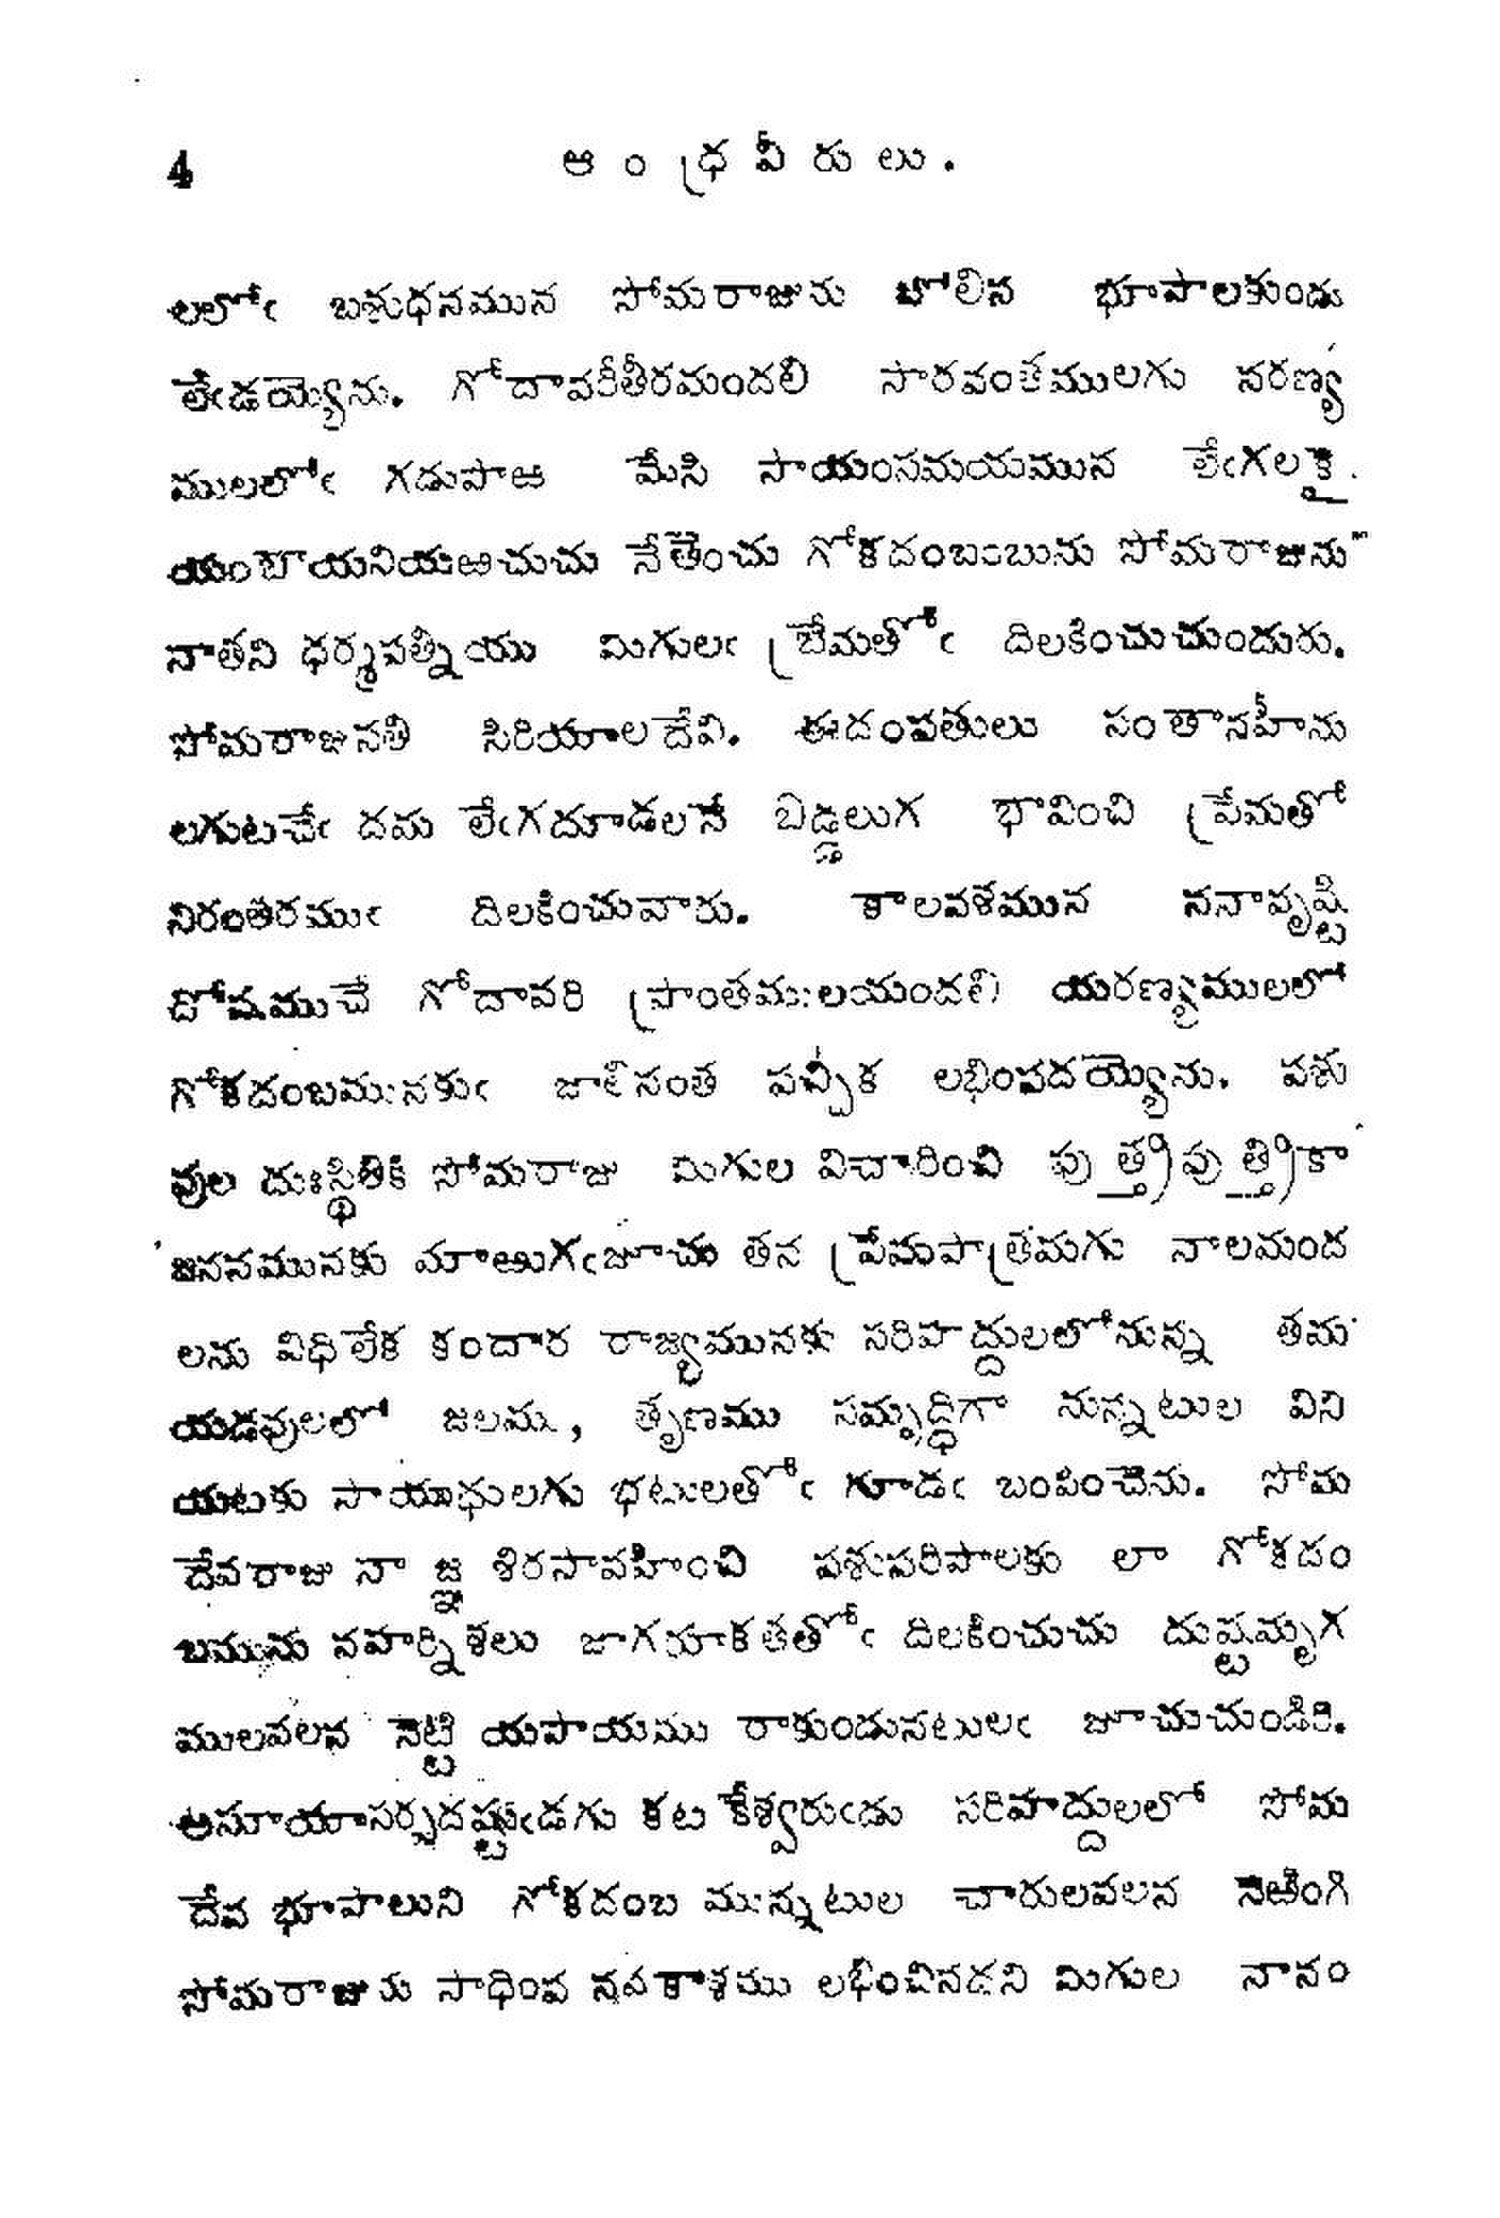లలో బశుధనమున సోమరాజును బోలిన భూపాలకుండు లేడయ్యెను. గోదావరీతీరమందలి సారవంతములగు నరణ్యములలో గడుపాఱ మేసి సాయంసమయమున లేగలకై యంబాయనియఱచుచు నేతెంచు గోకదంబంబును సోమరాజును నాతని ధర్మపత్నియు మిగుల బ్రేమతో దిలకించుచుందురు. సోమరాజుసతి సిరియాలదేవి. ఈదంపతులు సంతానహీనులగుటచే దమ లేగదూడలనే బిడ్డలుగ భావించి ప్రేమతో నిరంతరము దిలకించువారు. కాలవశమున ననావృష్టి దోషముచే గోదావరి ప్రాంతములయందలి యరణ్యములలో గోకదంబమునకు జాలినంత పచ్చిక లభింపదయ్యెను. పశువుల దు:స్థితికి సోమరాజు మిగుల విచారించి పుత్ర పుత్రికా జననమునకు మాఱుగజూచు తన ప్రేమపాత్రమగు నాలమందలను విధిలేక కందార రాజ్యమునకు సరిహద్దులోనున్న తమ యడవులలో జలము, తృణము సమృద్ధిగా నున్నటుల విని యటకు సాయుధులగు భటులతో గూడ బంపించెను. సోమదేవరాజు నాజ్ఞ శిరసావహించి పశుపరిపాలకు లా గోకదంబమును నహర్నిశలు జాగరూకతో దిలకించుచు దుష్టమృగములవలన నెట్టి యపాయము రాకుండునటుల జూచుచుండిరి. అసూయాసర్పదష్టుడగు కటకేశ్వరుడు సరిహద్దులలో సోమదేవ భూపాలుని గోకదంబ మున్నటుల చారులవలన నెఱింగి సోమరాజును సాధింప నవకాశము లభించినదని మిగుల నానం